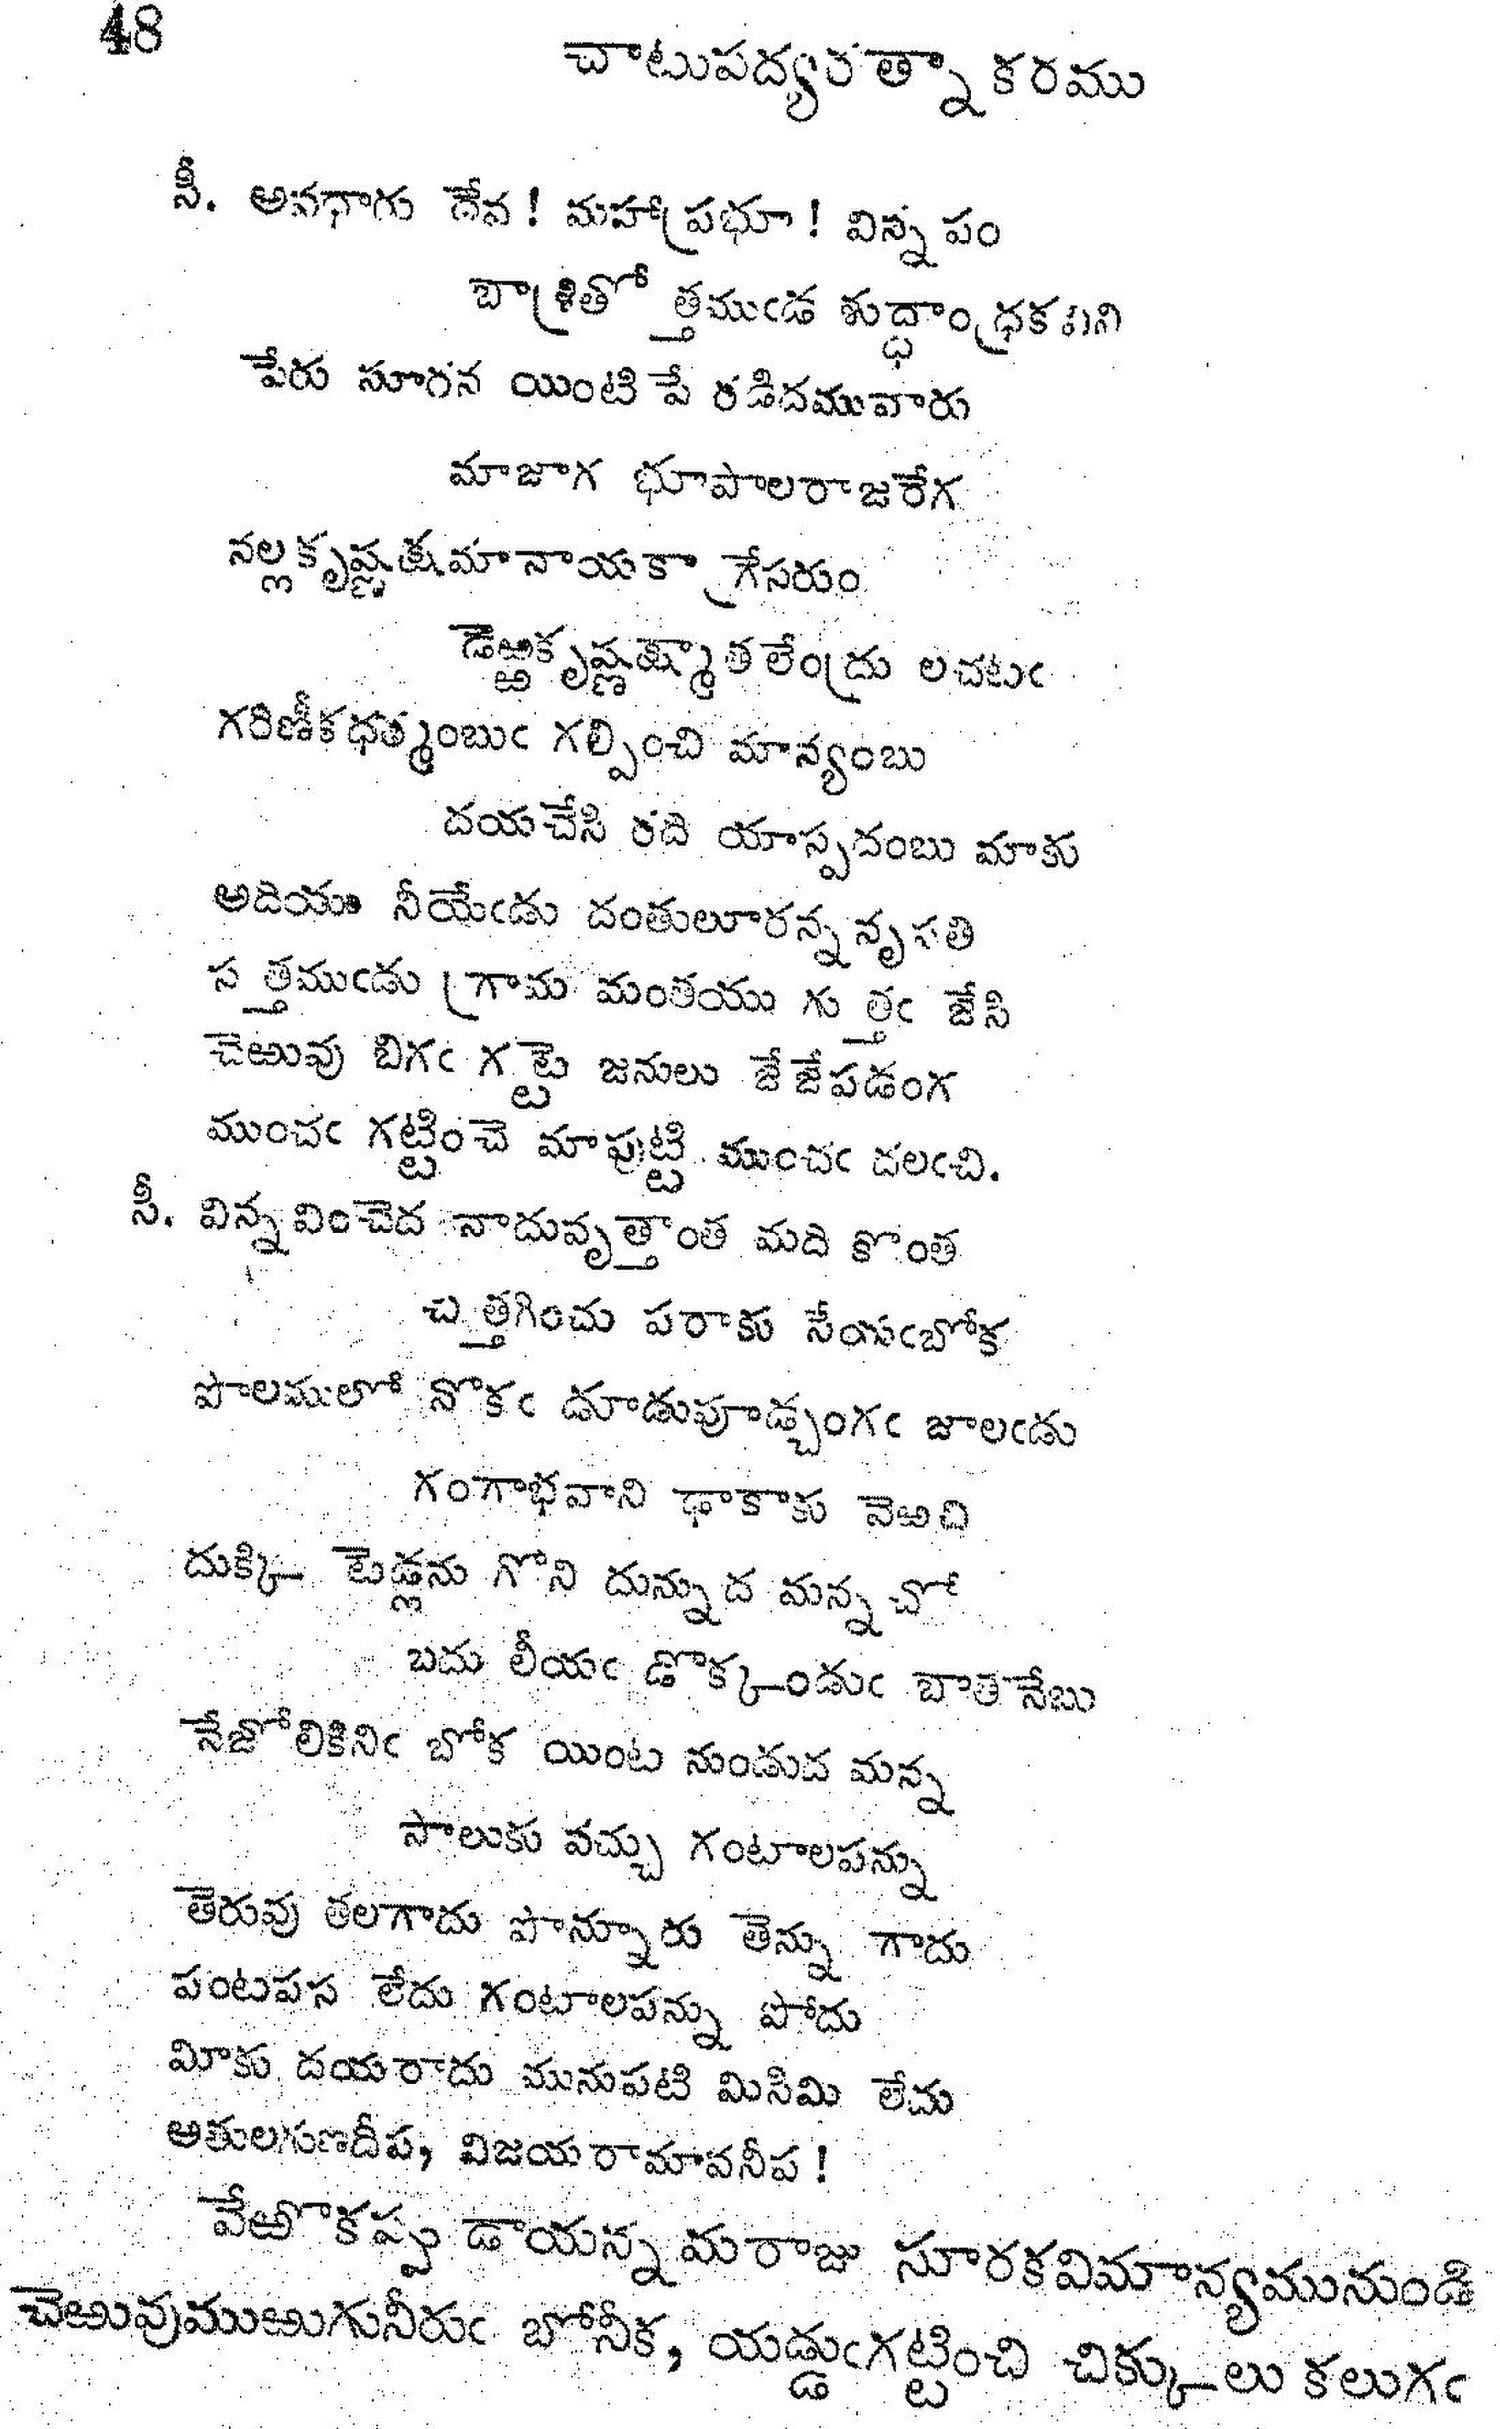సీ. అవధారు! దేవ! మహాప్రభూ! విన్నపం
 బాశ్రితోత్తముఁడ శుద్ధాంధ్రకవిని
 పేరు సూరన యింటిపే రడిదమువారు
 మాజాగ భూపాలరాజరేగ
 నల్లకృష్ణక్షమానాయకాగ్రేసరుం
 డెఱ్ఱకృష్ణక్ష్మాతలేంద్రు లచటఁ
 గరణీకధర్మంబుఁ గల్పించి మాన్యంబు
 దయచేసి రది యాస్పదంబు మాకు
 అదియు నీయేఁడు దంతులూరన్ననృపతి
 సత్తముఁడు గ్రామ మంతయు గుత్తఁ జేసి
 చెఱువు బిగఁగట్టె ప్రజలు జేజేపడంగ
 ముంచఁ గట్టించె మాపుట్టి ముంచఁ దలఁచి.

సీ. విన్నవించెద నాదువృత్తాంత మది కొంత
 చిత్తగించు పరాకు సేయఁబోక
 పొలములో నొకఁ డూడు పూడ్చంగఁ జాలఁడు
 గంగాభవాని ఢాకాకు వెఱచి
 దుక్కిటెడ్లను గొని దున్నుద మన్నచో
 బదు లీయఁ డొక్కండుఁ బాతనేబు
 నేజోలికినిఁ బోక యింట నుండుద మన్న
 సాలుకు వచ్చు గంటాలపన్ను
 తెరువు తలగాదు పొన్నూరు తెన్ను గాదు
 పంటపస లేదు గంటాలపన్ను పోదు
 మీకు దయరాదు మునుపటి మిసిమి లేదు
 అతులగుణదీప! విజయరామావనీప!

వేఱొకప్పు డాయన్నమరాజు సూరకవిమాన్యమునుండి చెఱువుముఱుగునీరుఁ బోనీక, యడ్డుఁగట్టించి చిక్కులు కలుగఁ